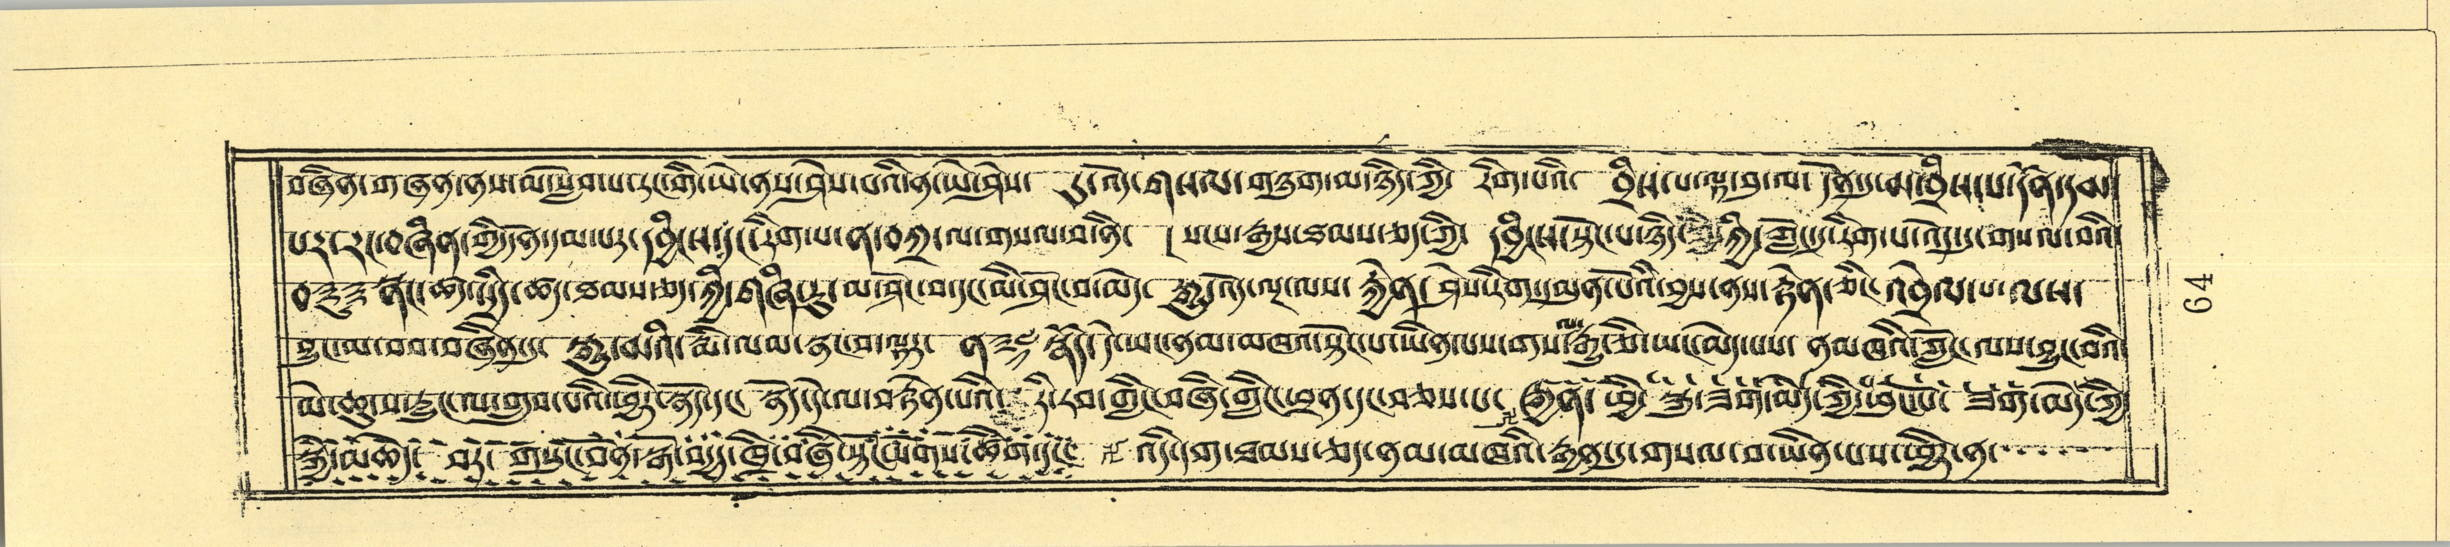བཞིན་གནས་ནས་མ་སློབ་པ་རང་གི་ཡེ་ནས་ཤེས་པས་ན་ཡེ་ཤེས་༼དུ༽འོད་༼གསལ༽གཉུག་མ་ཉིད་ཀྱི་༼རིག་པའི༽༼བྲིས༽པ་ལྟ་བུ་ལ་དོན་དུ་༼མ་བྲིས་པ་དོན་དམ་པར་རང་བཞིན༽གྱི་དོན་དམ་
པར་༼དབྱིངས་དང་༽རིག་པ་༼ན་བཀྲ༽ལ་གསལ་བ་ནི། སངས་རྒྱས་ཐམས་ཅད་ཀྱི་༼དབྱིངས༽སྟོང་པ་ཉིད་༼ཀྱི༽ཀློང་དུ་རིག་པ་འོད་དུ་གསལ་བའི་
བ༣༣།༦༼སྣང༽ཚད་༼སྲིད༽ཚད་ཐམས་ཅད་༼གྱི་གཞི་རུ༽མ་ཤོང་བ་དང་མི་ཤོང་བ་མེད་༼རྒྱུ༽འོད་ལྔ་ལས་༼རྐྱེན༽ཤེས་རིག་དམུན་པོའི་བྱས་ནས་༼རྟེན༽ཅིང་༼འབྲེལ༽པ་༼ལས༽
བྱུང་མ་བབས་བཞིན་དུ་ ༼སྒྱུ་མའི༽རྨི་ལམ་སྣང་བ་ལྟར བ༣༤།༡ ༼སྣོད༽དེ་ཡང་ནམ་མཁའ་སྟོང་པ་ཡིན་པས་གསལ་རྒྱུ་ཅི་ཡང་མེད་པས་ནམ་མཁའི་ཀློང་ལས་བྱུང་བའི་
མེ་ཆུ་ས་རླུང་ལས་གྲུབ་པའི་ཕྱིར་སྣོད་དང་སྣོད་དེ་ལ་བརྟེན་པའི་༼རྒྱན༽ཕྱི་སྐུ་ཟག་མེད་ཕུང་པོ་ཟག་མེད་ཀྱི་
སྐྱེ་མཆེད་བར་གསུང་བོན་སྒོ་བརྒྱད་ཁྲི་བཞི་སྟོང་སོགས་ཚིག་དང་རི་རབ་གླིང་བཞི་གླིང་ཕྲན་དང་བཅས་པ་འདི་དག་ཐམས་ཅད་ནམ་མཁའི་རྒྱན་དུ་གསལ་བ་ཡིན་པས་ཕྱིར་ན་